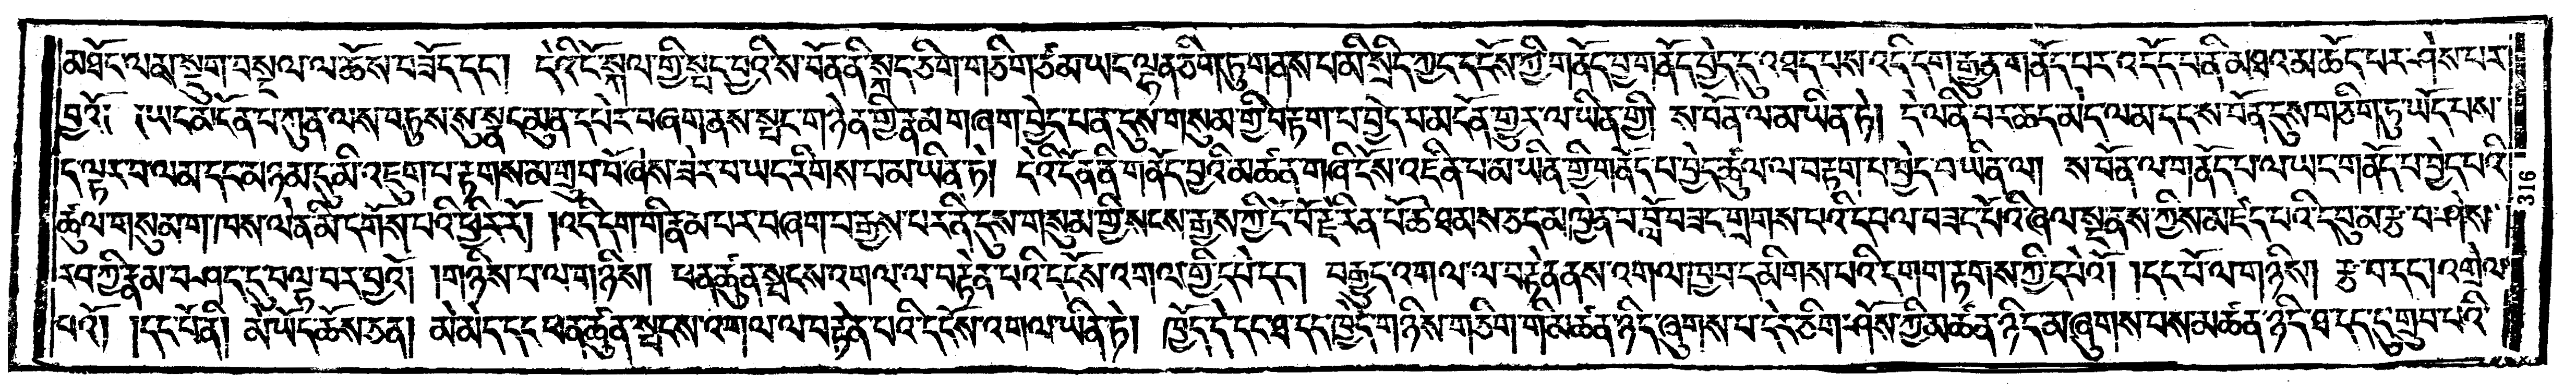མཐོང་ལམ་སྡུག་བསྔལ་ལ་ཆོས་བཟོད་དང་། དེའི་ངོ་སྐལ་གྱི་སྤང་བྱའི་ས་བོན་ནི་སྐད་ཅིག་གཅིག་ཙམ་ཡང་ལྷན་ཅིག་ཏུ་གནས་པ་མི་སྲིད་ཀྱང་དངོས་ཀྱི་གནོད་བྱ་གནོད་བྱེད་དུ་འཐད་པས་འདི་དག་རྒྱུན་གནོད་པར་འདོད་པ་ནི་མཐའ་མ་ཆོད་པར་ཤེས་པར་
བྱའོ༑ ༑ཡང་མངོན་པ་ཀུན་ལས་བཏུས་སུ་སྣང་མུན་དཔེར་བཞག་ནས་སྤང་གཉེན་གྱི་རྣམ་གཞག་བྱེད་པ་ན་དུས་གསུམ་གྱི་བརྟག་པ་བྱེད་པ་མངོན་གྱུར་ལ་ཡིན་གྱི། ས་བོན་ལ་མ་ཡིན་ཏེ། དེ་ལ་ནི་བར་ཆད་མེད་ལམ་དང་ལ་བོན་དུས་གཅིག་ཏུ་ཡོད་པས་
ད་ལྟར་བ་ལམ་དང་མཉམ་དུ་མི་འཇུག་པ་རྟགས་མ་གྲུབ་བོ་ཞེས་ཟེར་བ་ཡང་རིགས་པ་མ་ཡིན་ཏེ། དེའི་དོན་ནི་གནོད་བྱའི་མཚན་གཞི་ངོས་འཛིན་པ་མ་ཡིན་གྱི་གནོད་པ་བྱེད་ཚུལ་ལ་བརྟག་པ་བྱེད་བ་ཡིན་ལ། ས་བོན་ལ་གནོད་པ་ལ་ཡང་གནོད་པ་བྱེད་པའི་
ཚུལ་གསུམ་ག་ཁས་ལེན་མི་དགོས་པའི་ཕྱིར་རོ། །འདི་དག་གི་རྣམ་པར་བཞག་པ་རྒྱས་པར་ནི་དུས་གསུམ་གྱི་སངས་རྒྱས་ཀྱི་ངོ་བོ་རྗེ་རིན་པོ་ཆེ་ཐམས་ཅད་མཁྱེན་པ་བློ་བཟང་གྲགས་པའི་དཔལ་བཟང་པོའི་ཞལ་སྔ་ནས་ཀྱིས་མཛད་པའི་དབུ་མ་རྩ་བ་ཤེས་
རབ་ཀྱི་རྣམ་བཤད་དུ་བལྟ་བར་བྱའོ། །གཉིས་པ་ལ་གཉིས། ཕན་ཚུན་སྤངས་འགལ་ལ་བརྟེན་པའི་དངོས་འགལ་གྱི་དཔེ་དང་། བརྒྱུད་འགལ་ལ་བརྟེན་ནས་འགལ་ཁྱབ་དམིགས་པའི་དགག་རྟགས་ཀྱི་དཔེའོ། །དང་པོ་ལ་གཉིས། རྩ་བ་དང་། འགྲེལ་
པའོ། །དང་པོ་ནི། མེ་ཡོད་ཆོས་ཅན། མེ་མེད་དང་ཕན་ཚུན་སྤངས་འགལ་ལ་བརྟེན་པའི་དངོས་འགལ་ཡིན་ཏེ། ཁྱོད་དེ་དང་ཐ་དད་ཁྱེད་གཉིས་གཅིག་གི་མཚན་ཉིད་ཞུགས་པ་དེར་ཅིག་ཤོས་ཀྱི་མཚན་ཉིད་མ་ཞུགས་པས་མཚན་ཉིད་ཐ་དད་དུ་གྲུབ་པའི་